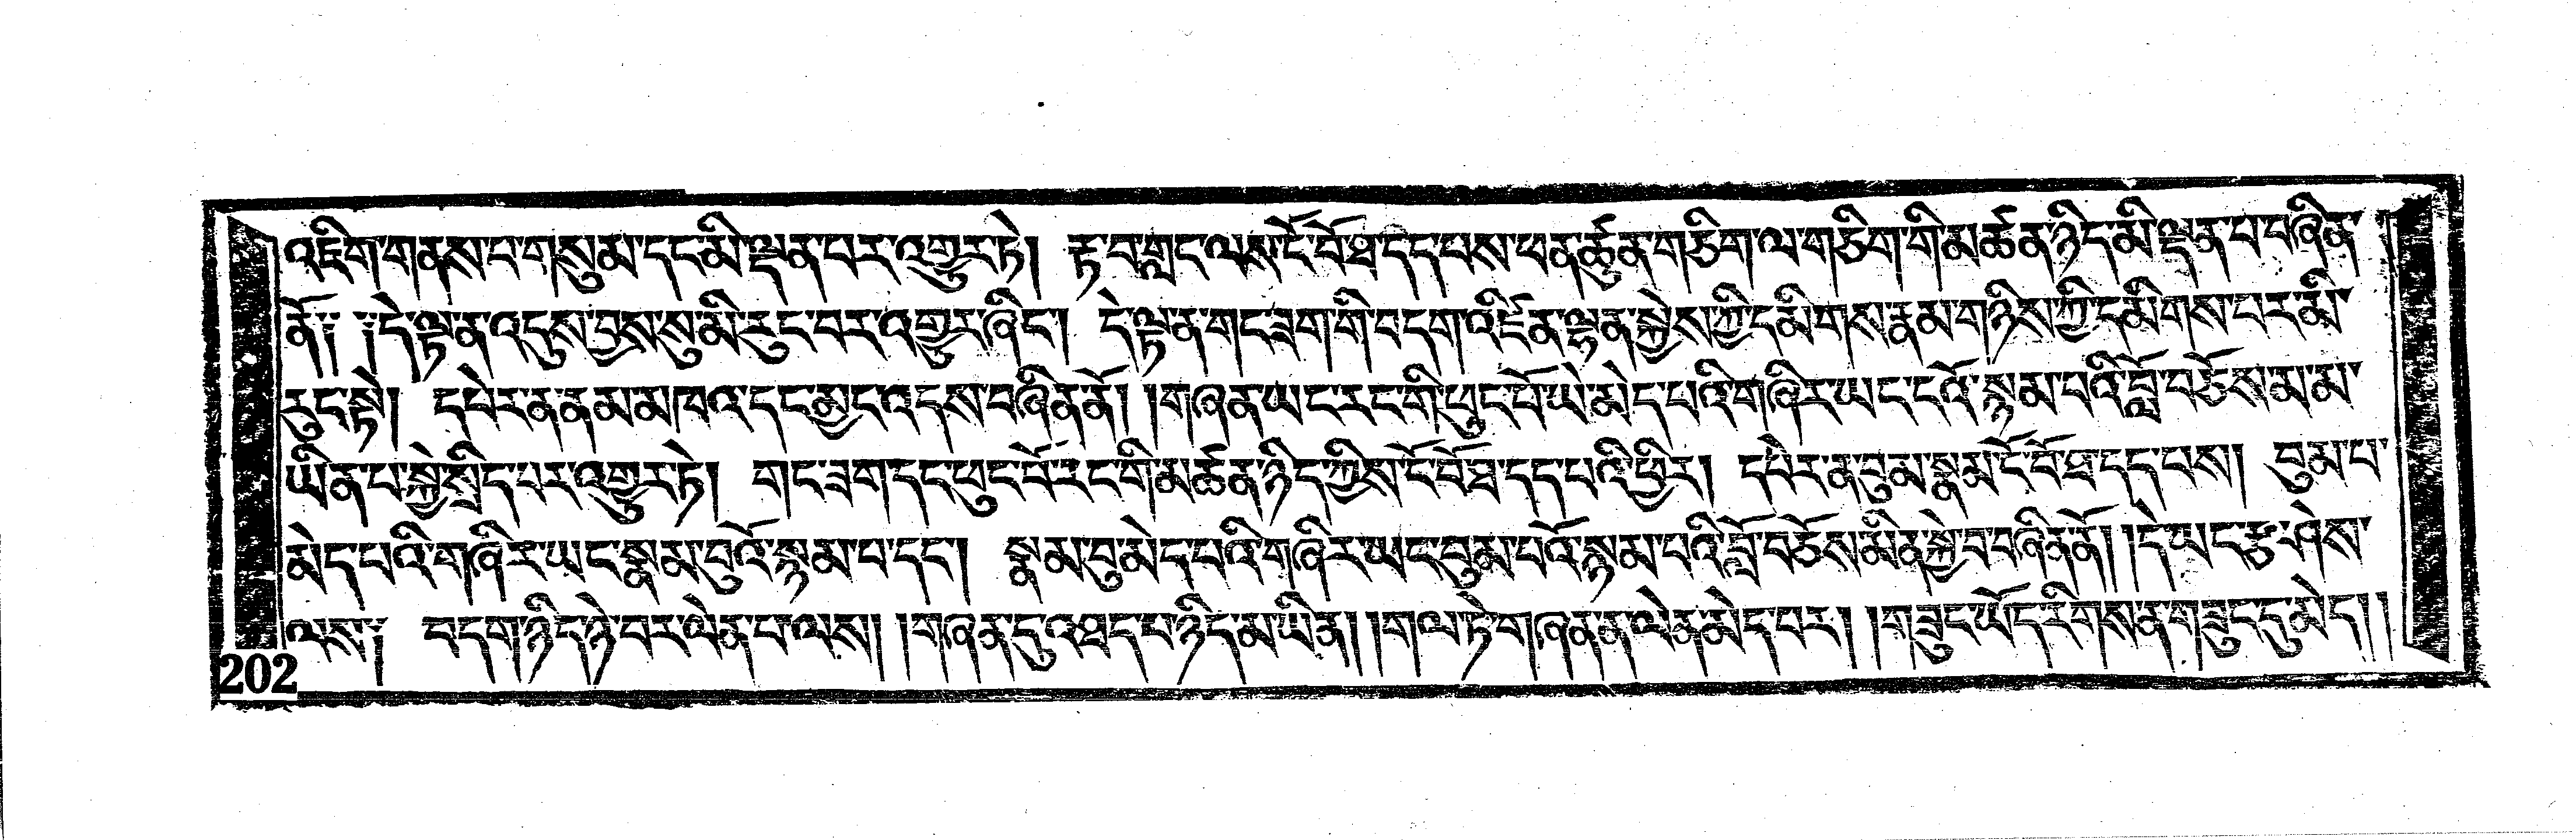འཇིག་གནས་པ་གསུམ་དང་མི་ལྡན་པར་འགྱུར་ཏེ། རྟ་བ་གླང་ལས་ངོ་བོ་ཐ་དད་པས་ཕན་ཚུན་གཅིག་ལ་གཅིག་གི་མཚན་ཉིད་མི་ལྡན་པ་བཞིན་
ནོ༑ ༑དེ་ལྟ་ན་འདུས་བྱས་སུ་མི་རུང་བར་འགྱུར་ཞིང་། དེ་ལྟ་ན་གང་ཟག་གི་བདག་འཛིན་ལྷན་སྐྱེས་ཀྱི་དམིགས་རྣམ་གཉིས་ཀྱི་དམིགས་པར་མི་
རུང་སྟེ། དཔེར་ན་ནམ་མཁའ་དང་མྱང་འདས་བཞིན་ནོ། །གཞན་ཡང་རང་གི་ཕུང་པོ་ཡེ་མེད་པའི་གཞིར་ཡང་ངའོ་སྙམ་པའི་བློ་བཅོས་མ་མ་
ཡིན་པ་སྐྱེ་སྲིད་པར་འགྱུར་ཏེ། གང་ཟག་དང་ཕུང་པོ་རང་གི་མཚན་ཉིད་ཀྱིས་ངོ་བོ་ཐ་དད་པའི་ཕྱིར། དཔེར་ན་བུམ་སྣམ་ངོ་བོ་ཐ་དད་པས། བུམ་པ་
མེད་པའི་གཞིར་ཡང་སྣམ་བུའོ་སྙམ་པ་དང་། སྣམ་བུ་མེད་པའི་གཞིར་ཡང་བུམ་པའོ་སྙམ་པའི་བློ་བཅོས་མིན་སྐྱེ་བ་བཞིན་ནོ། །དེ་ཡང་རྩ་ཤེས་
ལས༑ བདག་ཉིད་ཉེ་བར་ལེན་པ་ལས། །གཞན་དུ་འཐད་པ་ཉིད་མ་ཡིན། །གལ་ཏེ་གཞན་ན་ལེན་མེད་པར། །གཟུང་ཡོད་རིགས་ན་གཟུང་དུ་མེད། །